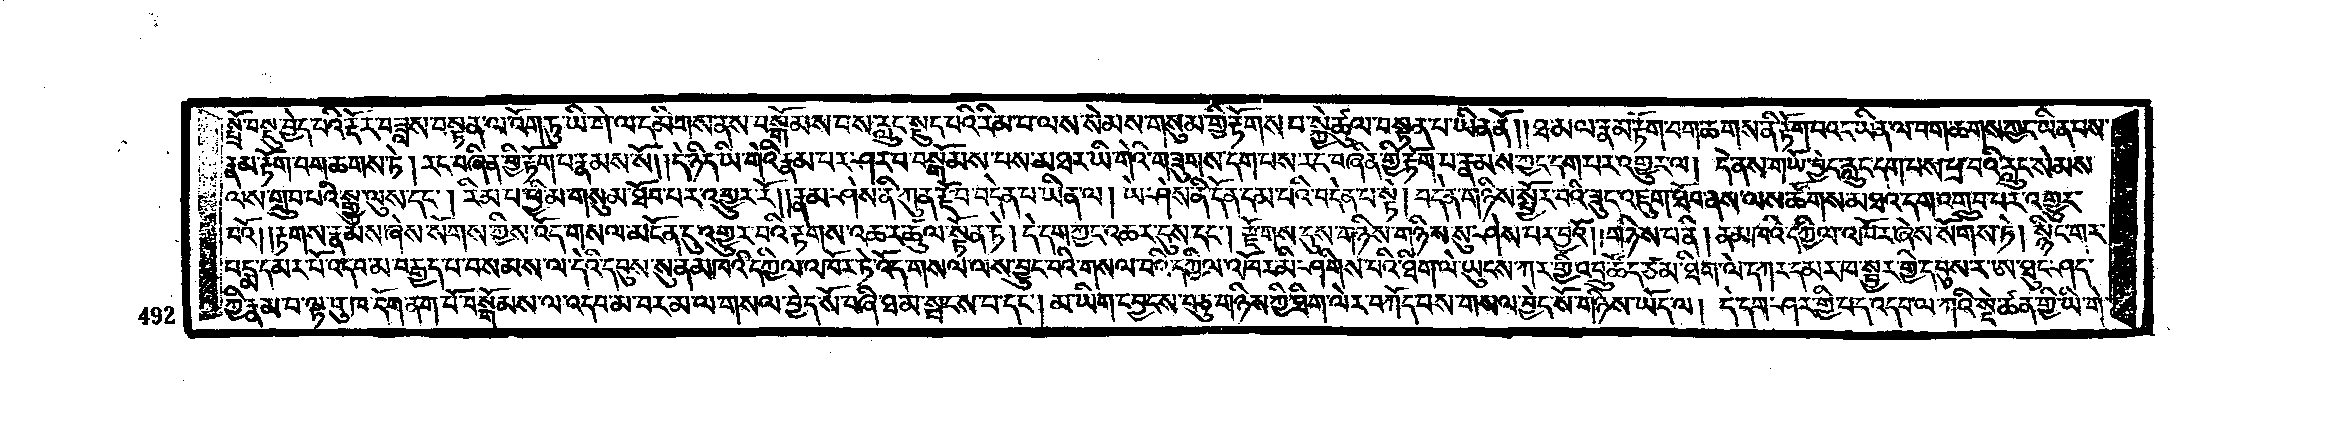སྤྲོ་བསྡུ་བྱེད་པའི་རྡོར་བཟླས་བསྟན་ལ་འོག་ཏུ་ཡི་གེ་ལ་དམིགས་ནས་བསྒོམས་བས་རླུང་སྡུད་པའི་རིམ་པ་ལས་སེམས་གསུམ་གྱི་རྟོགས་པ་སྐྱེ་ཚུལ་བསྟན་པ་ཡིན་ནོ། །ཐ་མལ་རྣམ་རྟོག་བག་ཆགས་ནི་རྟོག་པའང་ཡིན་ལ་བག་ཆགས་ཀྱང་ཡིན་པས་
རྣམ་རྟོག་བག་ཆགས་ཏེ། རང་བཞིན་གྱི་རྟོག་པ་རྣམས་སོ། །དེ་ཉིད་ཡི་གེའི་རྣམ་པར་ཤར་བ་བསྒོམས་པས་མཐར་ཡི་གེའི་གཟུགས་དག་པས་རང་བཞིན་གྱི་རྟོག་པ་རྣམས་ཀྱང་དག་པར་འགྱུར་ལ། དེ་ནས་གཡོ་བྱེད་རླུང་དག་པས་ཕྲ་བའི་རླུང་སེམས་
ལས་གྲུབ་པའི་སྒྱུ་ལུས་དང་། རིམ་པ་ཕྱི་མ་གསུམ་ཐོབ་པར་འགྱུར་རོ། །རྣམ་ཤེས་ནི་ཀུན་རྫོབ་བདེན་པ་ཡིན་ལ། ཡེ་ཤེས་ནི་དོན་དམ་པའི་བདེན་པ་སྟེ། བདེན་གཉིས་སྦྱོར་བའི་ཟུང་འཇུག་ཐོབ་ནས་ལས་ཚོགས་མཐའ་དག་འགྲུབ་པར་འགྱུར་
བའོ། །རྟགས་རྣམས་ཞེས་སོགས་ཀྱིས་འོད་གསལ་མངོན་དུ་འགྱུར་བའི་རྟགས་འཆར་ཚུལ་སྟོན་ཏེ། དེ་དག་ཀྱང་འཆར་དུས་དང་། རྫོགས་དུས་གཉིས་གཉིས་སུ་ཤེས་པར་བྱའོ། །གཉིས་པ་ནི། ནམ་མཁའི་དཀྱིལ་འཁོར་ཞེས་སོགས་ཏེ། སྙིང་གར་
པདམ་དམར་པོ་འདབ་མ་བརྒྱད་པ་བསམས་ལ་དེའི་དབུས་སུ་ནམ་མཁའི་དཀྱིལ་འཁོར་ཏེ་འོད་གསལ་ལས་བྱུང་བའི་གསལ་བའི་དཀྱིལ་འཁོར་མི་ཤིགས་པའི་ཐིག་ལེ་ཡུངས་ཀར་གྱི་འབྲུ་ཚོད་ཙམ་ཐིག་ལེ་དཀར་དམར་ཁ་སྦྱར་གྱི་དབུས་ན་ཨ་ཐུང་ཤད་
ཀྱི་རྣམ་པ་ལྟ་བུ་ཁ་དོག་ནག་པོ་བསྒོམས་ལ་འདབ་མ་བར་མ་ལ་གསལ་བྱེད་སོ་བཞི་ཐ་མ་སྤངས་པ་དང་། མ་ཡིག་དབྱངས་བཅུ་གཉིས་ཀྱི་ཐིག་ལེར་བཀོད་པས་གསལ་བྱེད་སོ་གཉིས་ཡོད་ལ། དེ་དག་ཤར་གྱི་པད་འདབ་ལ་ཀའི་སྡེ་ཚན་གྱི་ཡི་གེ་